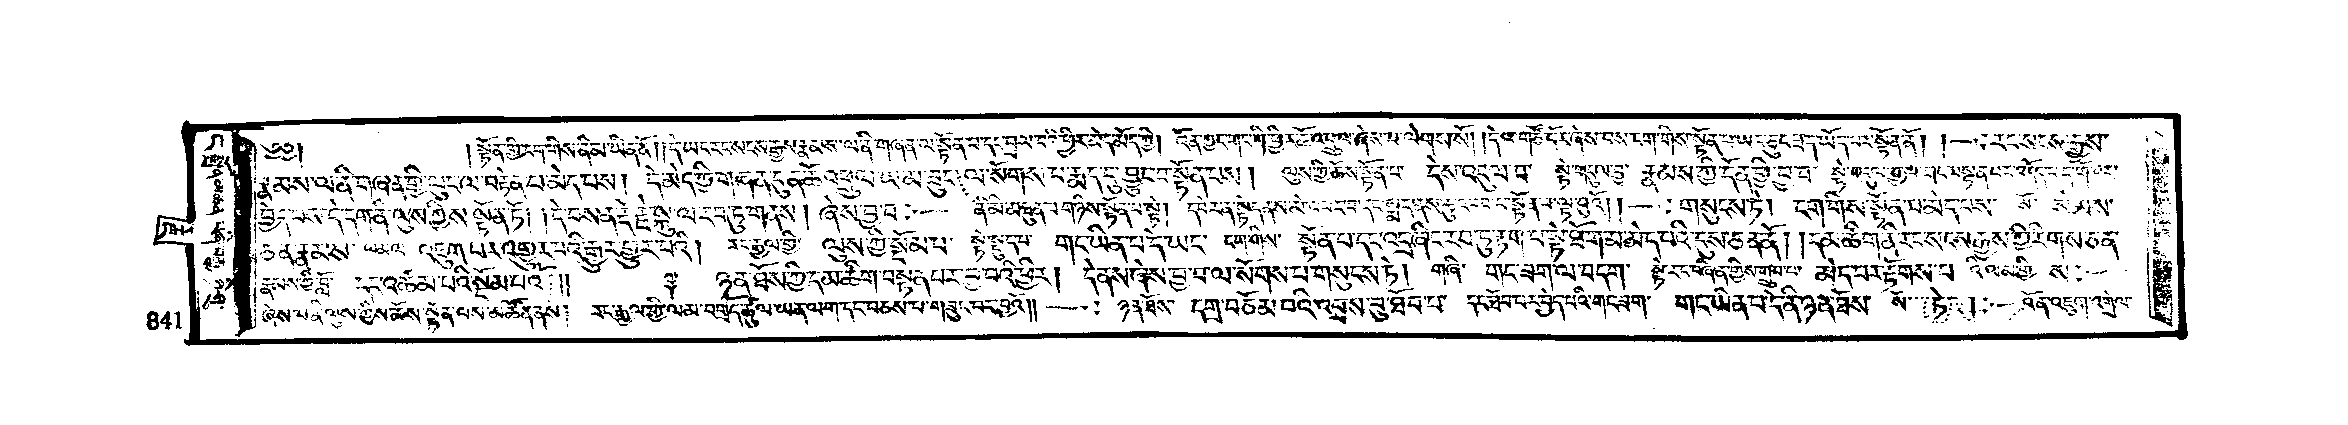༄༅། །སྟོན་གྱི་ངག་གིས་ནི་མ་ཡིན་ནོ། །དེ་ཡང་རང་སངས་རྒྱས་རྣམས་ལ་ནི་གཞན་ལ་སྟོན་པ་དང་བྲལ་བའི་ཕྱིར་མེད་མོད་ཀྱི། འོན་ཀྱང་གང་གི་ཕྱིར་ཆོ་འཕྲུལ་ཞེས་པ་ལེགས་སོ། །དེ་ལ་གཙོ་བོར་ཞེས་པས་ངག་གིས་སྟོན་པ་ཡང་ཅུང་ཟད་ཡོད་པར་སྟོན་ནོ། ། .H རང་སངས་རྒྱས་
རྣམས་ལ་ནི་གཞན་གྱི་ལུང་ལ་བརྟེན་པ་མེད་པས། དེ་མེད་ཀྱི་གཞན་དུ་ན་ཆོ་འཕྲུལ་ཡ་མ་ཟུང་ལ་སོགས་པ་རྨད་དུ་བྱུང་བ་སྟོན་པས། ལུས་ཀྱི་ཆོས་སྟོན་པ་དེས་འདུལ་བ་སྟེ་གདུལ་བྱ་རྣམས་ཀྱི་དོན་གྱི་བྱ་བ་སྟེ་གདུལ་བྱ་ལ་གང་བསྟན་པར་འདོད་པ་དེ་གོ་བར
བྱེད་པས་དེ་དག་ནི་ལུས་ཀྱིས་སྟོན་ཏོ། །དེ་བས་ན་རྡོ་རྗེ་སྐུ་ལ་རབ་ཏུ་གནས། ཞེས་བྱ་བ་H.་ནི་མི་མཐུན་པ་གཉིས་སྟོན་པ་སྟེ། དཔེར་ན་སྟོད་ནས་མེ་འབར་བ་དང་སྨད་ནས་ཆུ་འབབ་པ་སྟོན་པ་ལྟ་བུའོ། །  .H གསུངས་ཏེ། ངག་གིས་སྟོན་པ་མེད་པས་སོ་སེམས་
ཅན་རྣམས་ལམ་ལ་འཇུག་པར་འགྱུར་བའི་རྒྱུར་གྱུར་པའི། རང་རྒྱལ་གྱི་ལུས་ཀྱི་སྡོམ་པ་སྟེ་སྡུད་པ་གང་ཡིན་པ་དེ་ཡང་ངག་གིས་སྟོན་པ་དང་འདྲ་ཞིང་རབ་ཏུ་རྟག་པ་སྟེ་ཐོག་མ་མེད་པའི་དུས་ཅན་ནོ། །དམ་ཚིག་ནི་རང་སངས་རྒྱས་ཀྱི་རིགས་ཅན་
རྣམས་ཀྱི་བློ་དང་འཚམ་པའི་སྡོམ་པའོ།། ༈ ཉན་ཐོས་ཀྱི་དམ་ཚིག་བསྟན་པར་བྱ་བའི་ཕྱིར། དེ་ནས་ཞེས་བྱ་བ་ལ་སོགས་པ་གསུངས་ཏེ། གཞི་གང་ཟག་ལ་བདག་སྟེ་རང་བཞིན་གྱིས་གྲུབ་པ་མེད་པར་རྟོགས་པའི་ལམ་གྱི་ས་H.
ཞེས་པ་ནི་ལུས་ཀྱིས་ཆོས་སྟོན་པས་མཚོན་ནས། རང་རྒྱལ་གྱི་ལམ་བགྲོད་ཚུལ་ཡན་ལག་དང་བཅས་པ་གཟུང་བར་བྱའོ།། .H ཉན་ཐོས་དགྲ་བཅོམ་པའི་འབྲས་བུ་ཐོབ་པ་དང་ཐོབ་པར་བྱེད་པའི་གང་ཟག་གང་ཡིན་པ་དེ་ནི་ཉན་ཐོས་སོ་ཏེ། H.་འོ་ན་འཇུག་འགྲེལ་